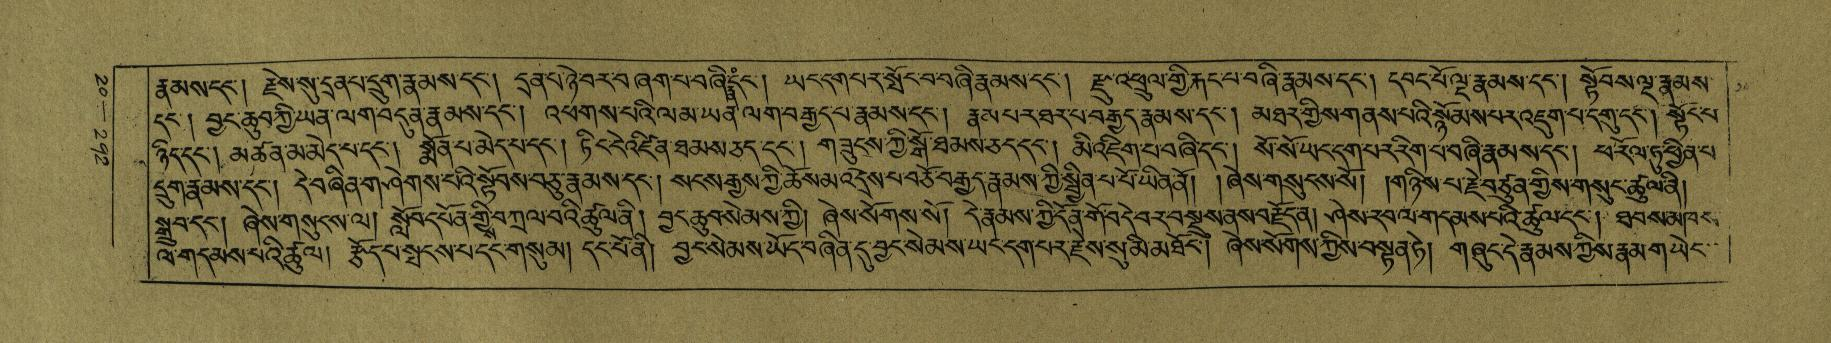རྣམས་དང་། རྗེས་སུ་དྲན་པ་དྲུག་རྣམས་དང་། དྲན་པ་ཉེ་བར་བཞག་པ་བཞི་རྣཾ་དང་། ཡང་དག་པར་སྤོང་བ་བཞི་རྣམས་དང་། རྫུ་འཕྲུལ་གྱི་རྐང་པ་བཞི་རྣམས་དང་། དབང་པོ་ལྔ་རྣམས་དང་། སྟོབས་ལྔ་རྣམས་
དང་། བྱང་ཆུབ་ཀྱི་ཡན་ལག་བདུན་རྣམས་དང་། འཕགས་པའི་ལམ་ཡན་ལག་བརྒྱད་པ་རྣམས་དང་། རྣམ་པར་ཐར་པ་བརྒྱད་རྣམས་དང་། མཐར་གྱིས་གནས་པའི་སྙོམས་པར་འཇུག་པ་དགུ་དང་། སྟོང་པ་
ཉིད་དང་། མཚན་མ་མེད་པ་དང་། སྨོན་པ་མེད་པ་དང་། ཏིང་ངེ་འཛིན་ཐམས་ཅད་དང་། གཟུངས་ཀྱི་སྒོ་ཐམས་ཅད་དང་། མི་འཇིག་པ་བཞི་དང་། སོ་སོ་ཡང་དག་པར་རིག་པ་བཞི་རྣམས་དང་། ཕ་རོལ་ཏུ་ཕྱིན་པ་
དྲུག་རྣམས་དང་། དེ་བཞིན་གཤེགས་པའི་སྟོབས་བཅུ་རྣམས་དང་། སངས་རྒྱས་ཀྱི་ཆོས་མ་འདྲེས་པ་བཅོ་བརྒྱད་རྣམས་ཀྱི་སྦྱིན་པ་པོ་ཡིན་ནོ། །ཞེས་གསུངས་སོ། །གཉིས་པ་རྗེ་བཙུན་གྱིས་གསུང་ཚུལ་ནི།
སྒྲུབ་དང་། ཞེས་གསུངས་ལ། སློབ་དཔོན་གྱིས་བཀྲལ་བའི་ཚུལ་ནི། བྱང་ཆུབ་སེམས་ཀྱི། ཞེས་སོགས་སོ། དེ་རྣམས་ཀྱི་དོན་གོ་བདེ་བར་བསྡུས་ནས་བརྗོད་ན། ཤེས་རབ་ལ་གདམས་པའི་ཚུལ་དང་། ཐབས་མཁས་
ལ་གདམས་པའི་ཚུལ། རྩོད་པ་སྤངས་པ་དང་གསུམ། དང་པོ་ནི། བྱང་སེམས་ཡོད་བཞིན་དུ་བྱང་སེམས་ཡང་དག་པར་རྗེས་སུ་མི་མཐོང་། ཞེས་སོགས་ཀྱིས་བསྟན་ཏེ། གཞུང་དེ་རྣམས་ཀྱིས་རྣམ་གཡེང་